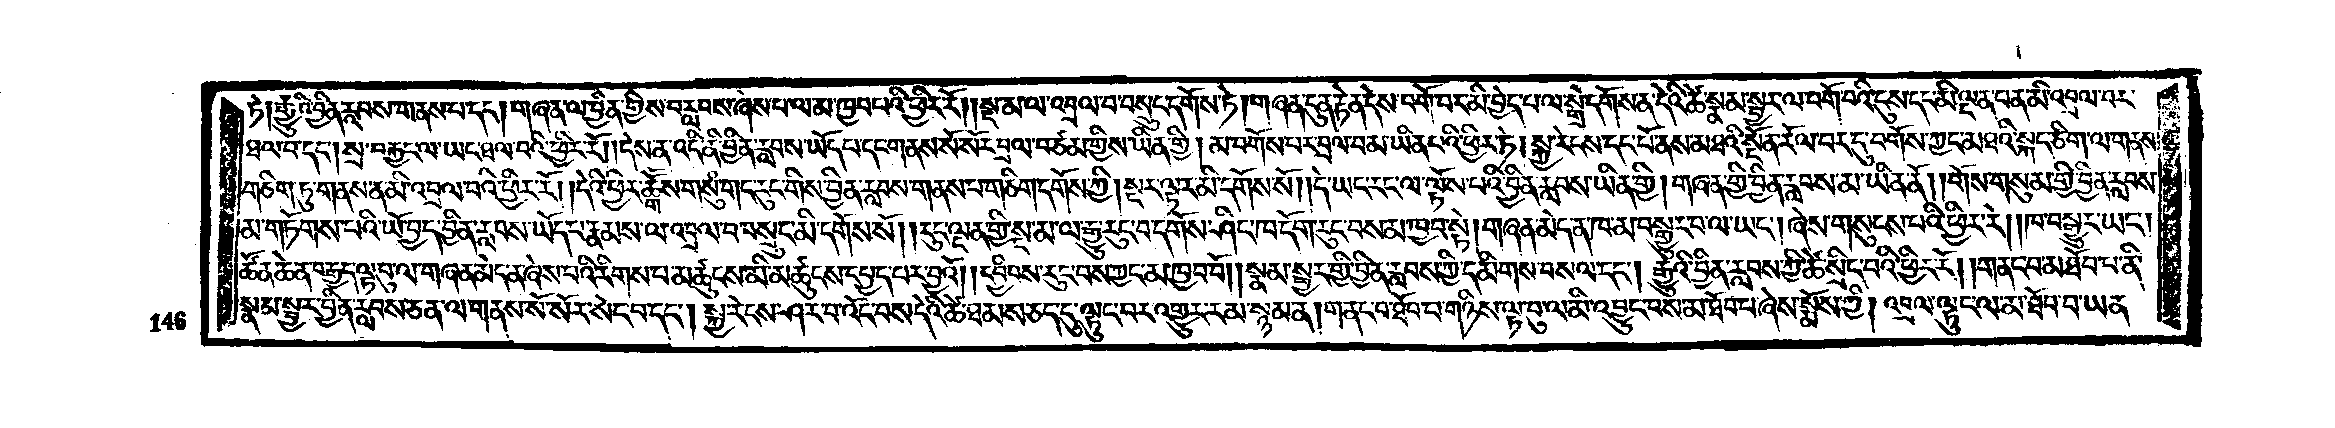ཏེ། རྒྱུའི་བྱིན་རླབས་གནས་པ་དང་། གཞན་ལ་བྱིན་གྱིས་བརླབས་ཞེས་པ་ལ་མ་ཁྱབ་པའི་ཕྱིར་རོ། །སྔ་མ་ལ་འབྲལ་བ་བསྲུང་དགོས་ཏེ། གཞན་དུ་ན་རྟེན་དེས་བགོ་བར་མི་བྱེད་པ་ལ་སྒྲེ་དགོས་ན་དེའི་ཚེ་སྣམ་སྦྱར་ལ་བགོ་བའི་དུས་དང་མི་ལྡན་པ་ན་མི་འབྲལ་བར་
ཐལ་བ་དང་། སྲ་བརྐྱང་ལ་ཡང་ཐལ་བའི་ཕྱིར་རོ། །དེས་ན་འདི་ནི་བྱིན་རླབས་ཡོད་པ་དང་གནས་སོ་སོར་བྲལ་བ་ཙམ་གྱིས་ཡིན་གྱི། མ་བགོས་པར་བྲལ་བ་མ་ཡིན་པའི་ཕྱིར་ཏེ། སྐྱ་རེངས་དང་པོ་ནས་མཐའི་སྔོན་རོལ་བར་དུ་བགོས་ཀྱང་མཐའི་སྐད་ཅིག་ལ་གནས་
གཅིག་ཏུ་གནས་ན་མི་འབྲལ་བའི་ཕྱིར་རོ། །དེའི་ཕྱིར་ཆོས་གོས་གསུམ་གང་རུང་གིས་བྱིན་རླབས་གནས་པ་གཅིག་དགོས་ཀྱི། སྔར་ལྟར་མི་དགོས་སོ། །དེ་ཡང་རང་ལ་ལྟོས་པའི་བྱིན་རླབས་ཡིན་གྱི། གཞན་གྱི་བྱིན་རླབས་མ་ཡིན་ནོ། །གོས་གསུམ་གྱི་བྱིན་རླབས་
མ་གཏོགས་པའི་ཡོ་བྱད་བྱིན་རླབས་ཡོད་པ་རྣམས་ལ་འབྲལ་བ་བསྲུང་མི་དགོས་སོ། །རུང་ལྡན་གྱི་སྔ་མ་ལ་རྒྱུ་རུང་བ་དགོས་ཤིང་ཁ་དོག་རུང་བས་མ་ཁྱབ་སྟེ། གཞན་མེད་ན་ཁ་མ་བསྒྱུར་བ་ལ་ཡང་། ཞེས་གསུངས་པའི་ཕྱིར་རེ། །ཁ་བསྒྱུར་ཡང་།
ཚོན་ཆེན་བརྒྱད་ལྟ་བུ་ལ་གཞན་མེད་ན་ཞེས་པའི་རིགས་པ་མཚུངས་མི་མཚུངས་དཔྱད་པར་བྱའོ། །དབྱིབས་རུང་བས་ཀྱང་མ་ཁྱབ་བོ། །སྣམ་སྦྱར་གྱི་བྱིན་རླབས་ཀྱི་དམིགས་བསལ་དང་། རྒྱུའི་བྱིན་རླབས་ཀྱི་ཚེ་སྲིད་པའི་ཕྱིར་རོ། །གནང་བ་མ་ཐོབ་པ་ནི་
སྣམ་སྦྱར་བྱིན་རླབས་ཅན་ལ་གནས་སོ་སོར་སེང་བ་དང་། སྐྱ་རེངས་ཤར་བ་འོང་བས་དེའི་ཚེ་ཐམས་ཅད་དུ་ལྟུང་བར་འགྱུར་རམ་སྙམ་ན། གནང་བ་ཐོབ་པ་གཉིས་ལྟ་བུ་ལ་མི་འབྱུང་བས་མ་ཐོབ་པ་ཞེས་སྨོས་ཀྱི། འབྲལ་ལྟུང་ལ་མ་ཐོབ་བ་ཡན་